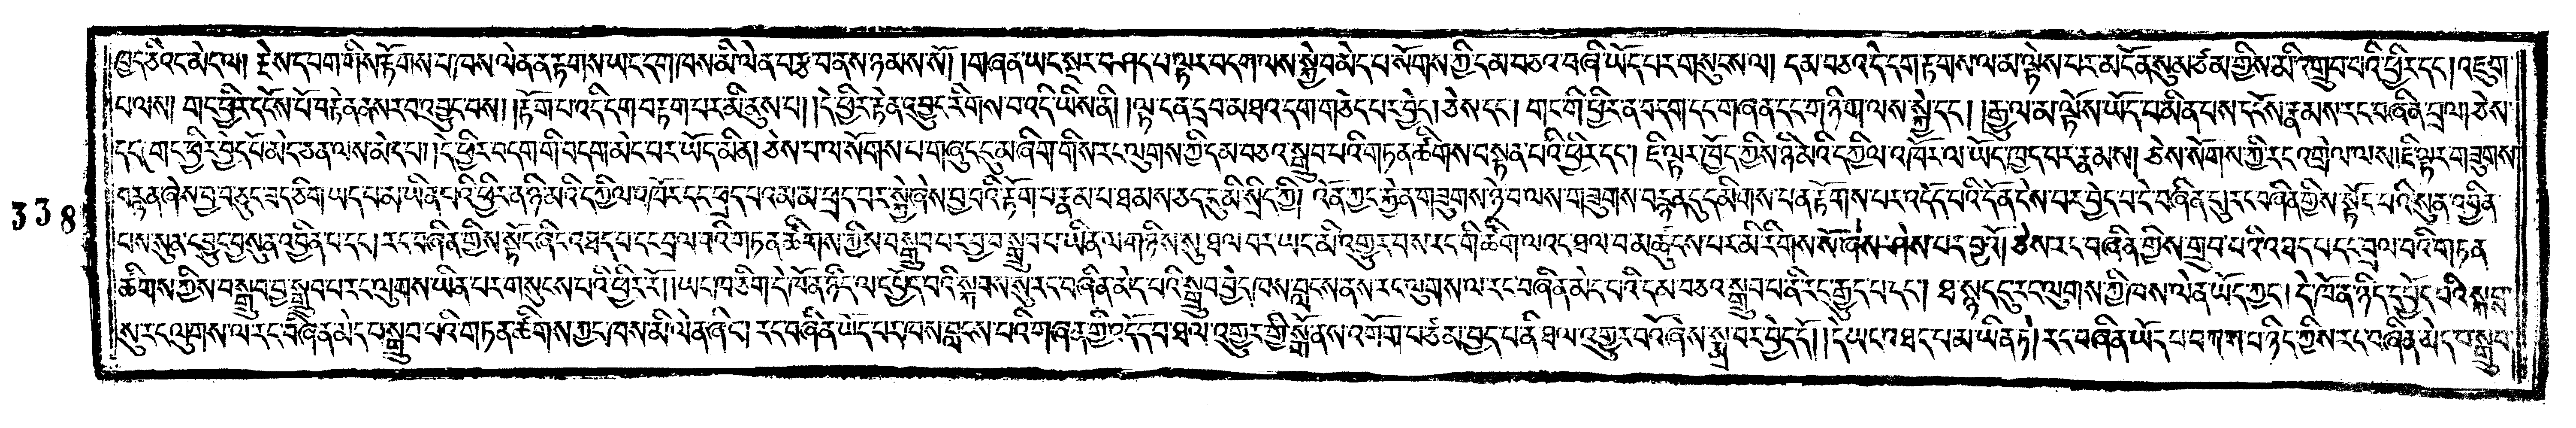ཁྱད་ཅིའང་མེད་ལ། རྔེས་དཔག་གིས་རྟོགས་པ་ཁས་ལེན་ན་རྟགས་ཡང་དག་ཁས་མི་ལེན་པ་རྩ་བ་ནས་ཉམས་སོ། །གཞན་ཡང་སྔར་བཤད་པ་ལྟར་བདག་ལས་སྐྱེ་བ་མེད་པ་སོགས་ཀྱི་དམ་བཅའ་བཞི་ཡོད་པར་གསུངས་ལ། དམ་བཅའ་དེ་དག་རྟགས་ལ་མ་ལྟེས་བར་མངོན་སུམ་ཙམ་གྱིས་མི་འགྲུབ་པའི་ཕྱིར་དང་། འཇུག་
པ་ལས། གང་ཕྱིར་དངོས་པོ་བརྟེན་ནས་རབ་འབྱུང་བས། །རྟོག་པ་འདི་དག་བརྟག་པར་མི་ནུས་པ། །དེ་ཕྱིར་རྟེན་འབྱུང་རིགས་པ་འདི་ཡིས་ནི། །ལྟ་ངན་དྲ་བ་མཐའ་དག་གཅོད་པར་བྱེད། ཅེས་དང་། གང་གི་ཕྱིར་ན་བདག་དང་གཞན་དང་གཉི་ག་ལས་སྐྱེ་དང་། །རྒྱུ་ལ་མ་ལྟོས་ཡོད་པ་མིན་པས་དངོས་རྣམས་རང་བཞིན་བྲལ། ཅེས་
དང༑ གང་ཕྱིར་བྱེད་པོ་མེད་ཅན་ལས་མེད་པ། །དེ་ཕྱིར་བདག་གི་བདག་མེད་པར་ཡོད་མིན། ཅེས་པ་ལ་སོགས་པ་གཞུང་དུ་མ་ཞིག་གིས་རང་ལུགས་ཀྱི་དམ་བཅའ་སྒྲུབ་པའི་གཏན་ཚིགས་བསྟན་པའི་ཕྱིར་དང་། ཇི་ལྟར་ཁྱོད་ཀྱིས་ཉི་མའི་དཀྱིལ་འཁོར་ལ་ཡོད་ཁྱད་པར་རྣམས། ཅེས་སོགས་ཀྱི་རང་འགྲེལ་ལས། ཇི་ལྟར་གཟུགས་
བརྙན་ཞེས་བྱ་བ་ཅུང་ཟད་ཅིག་ཡད་པ་མ་ཡིན་པའི་ཕྱིར་ན་ཉི་མའི་དཀྱིལ་འཁོར་དང་ཕྲད་པའམ་མ་ཕྲད་པར་སྐྱེ་ཞེས་བྱ་བའི་རྟོག་པ་རྣམ་པ་ཐམས་ཅད་དུ་མི་སྲིད་ཀྱི། འོན་ཀྱང་རྐྱེན་གཟུགས་ཉེ་བ་ལས་གཟུགས་བརྙན་དུ་དམིགས་པ་ན་རྟོགས་པར་འདོད་པའི་དོན་ངེས་པར་བྱེད་པ་དེ་བཞིན་དུ། རང་བཞིན་གྱིས་སྟོང་པའི་སུན་འབྱིན་
པས་སུན་དབྱུང་བྱ་སུན་འབྱིན་པ་དང་། རང་བཞིན་གྱིས་སྟོང་ཞིང་འཐད་པ་དང་བྲལ་བའི་གཏན་ཚིགས་ཀྱིས་བསྒྲུབ་པར་བྱ་བ་སྒྲུབ་པ་ཡིན་ལ་གཉིས་སུ་ཐལ་བར་ཡང་མི་འགྱུར་བས་རང་གི་ཚིག་ལའང་ཐལ་བ་མཚུངས་པར་མི་རིགས་སོ་ཞེས་ཤེས་པར་བྱའོ། ཅེས་རང་བཞིན་གྱིས་གྲུབ་པའི་འཐད་པ་དང་བྲལ་བའི་གཏན་
ཚིགས་ཀྱིས་བསྒྲུབ་བྱ་སྒྲུབ་པ་རང་ལུགས་ཡིན་པར་གསུངས་པའི་ཕྱིར་རོ། །ཡང་ཁ་ཅིག་དེ་ཁོ་ན་ཉིད་ལ་དཔྱོད་པའི་སྐབས་སུ་རང་བཞིན་མེད་པའི་སྒྲུབ་བྱེད་ཁས་བླངས་ནས་རང་ལུགས་ལ་རང་བཞིན་མེད་པའི་དམ་བཅའ་སྒྲུབ་པ་ནི་རང་རྒྱུད་པ་དང་། ཐ་སྙད་དུ་རང་ལུགས་ཀྱི་ཁས་ལེན་ཡོད་ཀྱང་། དེ་ཁོ་ན་ཉིད་དཔྱོད་བའི་སྐབས་
སུ་རང་ལུགས་ལ་རང་བཞིན་མེད་བསྒྲུབ་པའི་གཏན་ཚིགས་ཀྱང་ཁས་མི་ལེན་ཞིང་། རང་བཞིན་ཡོད་པར་ཁས་བླངས་པའི་གཞན་གྱི་འདོད་པ་ཐལ་འགྱུར་གྱི་སྒོ་ནས་འགོག་པ་ཙམ་བྱད་པ་ནི་ཐལ་འགྱུར་བའོ་ཞེས་སྨྲ་བར་བྱེད་དོ། །དེ་ཡང་འཐད་པ་མ་ཡིན་ཏེ། རང་བཞིན་ཡོད་པ་བཀག་པ་ཉིད་ཀྱིས་རང་བཞིན་མེད་བསྒྲུབ་